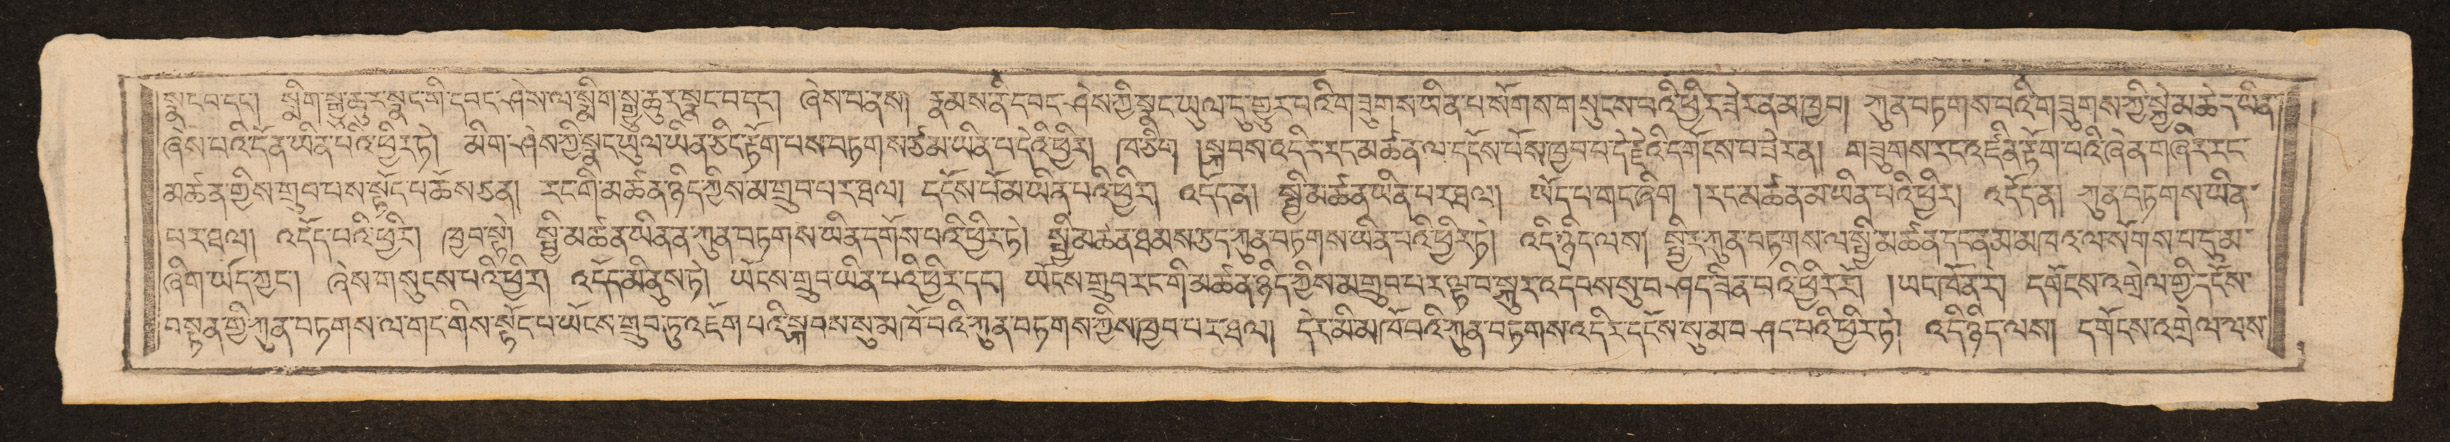སྣང་བ་དང་། སྨིག་སྒྱུ་ཆུར་སྣང་གི་དབང་ཤེས་ལ་སྨིག་སྒྱུ་ཆུར་སྣང་བ་དང་། ཞེས་པ་ནས། རྣམས་ནི་དབང་ཤེས་ཀྱི་སྣང་ཡུལ་དུ་གྱུར་པའི་གཟུགས་ཡིན་པ་སོགས་གསུངས་པའི་ཕྱིར་ཟེར་ན་མ་ཁྱབ། ཀུན་བཏགས་པའི་གཟུགས་ཀྱི་སྐྱེ་མཆེད་ཡིན་
ཞེས་པའི་དོན་ཡིན་པའི་ཕྱིར་ཏེ། མིག་ཤེས་ཀྱི་སྣང་ཡུལ་ཡིན་ཅིང་རྟོག་པས་བཏགས་ཙམ་ཡིན་པ་དེའི་ཕྱིར། ཁ་ཅིག །སྐབས་འདིར་རང་མཚན་ལ་དངོས་པོས་ཁྱབ་པ་དེ་རྗེའི་དགོངས་པ་ཟེར་ན། གཟུགས་རང་འཛིན་རྟོག་པའི་ཞེན་གཞིར་རང་
མཚན་གྱིས་གྲུབ་པས་སྟོང་བ་ཆོས་ཅན། རང་གི་མཚན་ཉིད་ཀྱིས་མ་གྲུབ་པར་ཐལ། དངོས་པོ་མ་ཡིན་པའི་ཕྱིར། འདོད་ན། སྤྱི་མཚན་ཡིན་བར་ཐལ། ཡོད་པ་གང་ཞིག །རང་མཚན་མ་ཡིན་པའི་ཕྱིར། འདོད་ན། ཀུན་བཏགས་ཡིན་
པར་ཐལ། འདོད་པའི་ཕྱིར། ཁྱབ་སྟེ། སྤྱི་མཚན་ཡིན་ན་ཀུན་བཏགས་ཡིན་དགོས་པའི་ཕྱིར་ཏེ། སྤྱི་མཚན་ཐམས་ཅད་ཀུན་བཏགས་ཡིན་པའི་ཕྱིར་ཏེ། འདི་ཉིད་ལས། སྤྱིར་ཀུན་བཏགས་ལ་སྤྱི་མཚན་དང་ནམ་མཁའ་ལ་སོགས་པ་དུ་མ་
ཞིག་ཡོད་ཀྱང་། ཞེས་གསུངས་པའི་ཕྱིར། འདོད་མི་ནུས་ཏེ། ཡོངས་གྲུབ་ཡིན་པའི་ཕྱིར་དང་། ཡོངས་གྲུབ་རང་གི་མཚན་ཉིད་ཀྱིས་མ་གྲུབ་པར་ལྟ་བ་སྐུར་འདེབས་སུ་བཤད་ཟིན་པའི་ཕྱིར་རོ། །ཡང་ཁོ་ན་རེ། དགོངས་འགྲེལ་གྱི་དངོས་
བསྟན་གྱི་ཀུན་བཏགས་ལ་གང་གིས་སྟེང་བ་ཡོངས་གྲུབ་ཏུ་འཇོག་པའི་སྐབས་སུ་མཁོ་བའི་ཀུན་བཏགས་ཀྱིས་ཁྱབ་པར་ཐལ། དེར་མི་མཁོ་བའི་ཀུན་བཏགས་འདིར་དངོས་སུ་མ་བཤད་པའི་ཕྱིར་ཏེ། འདི་ཉིད་ལས། དགོངས་འགྲེལ་ལས་